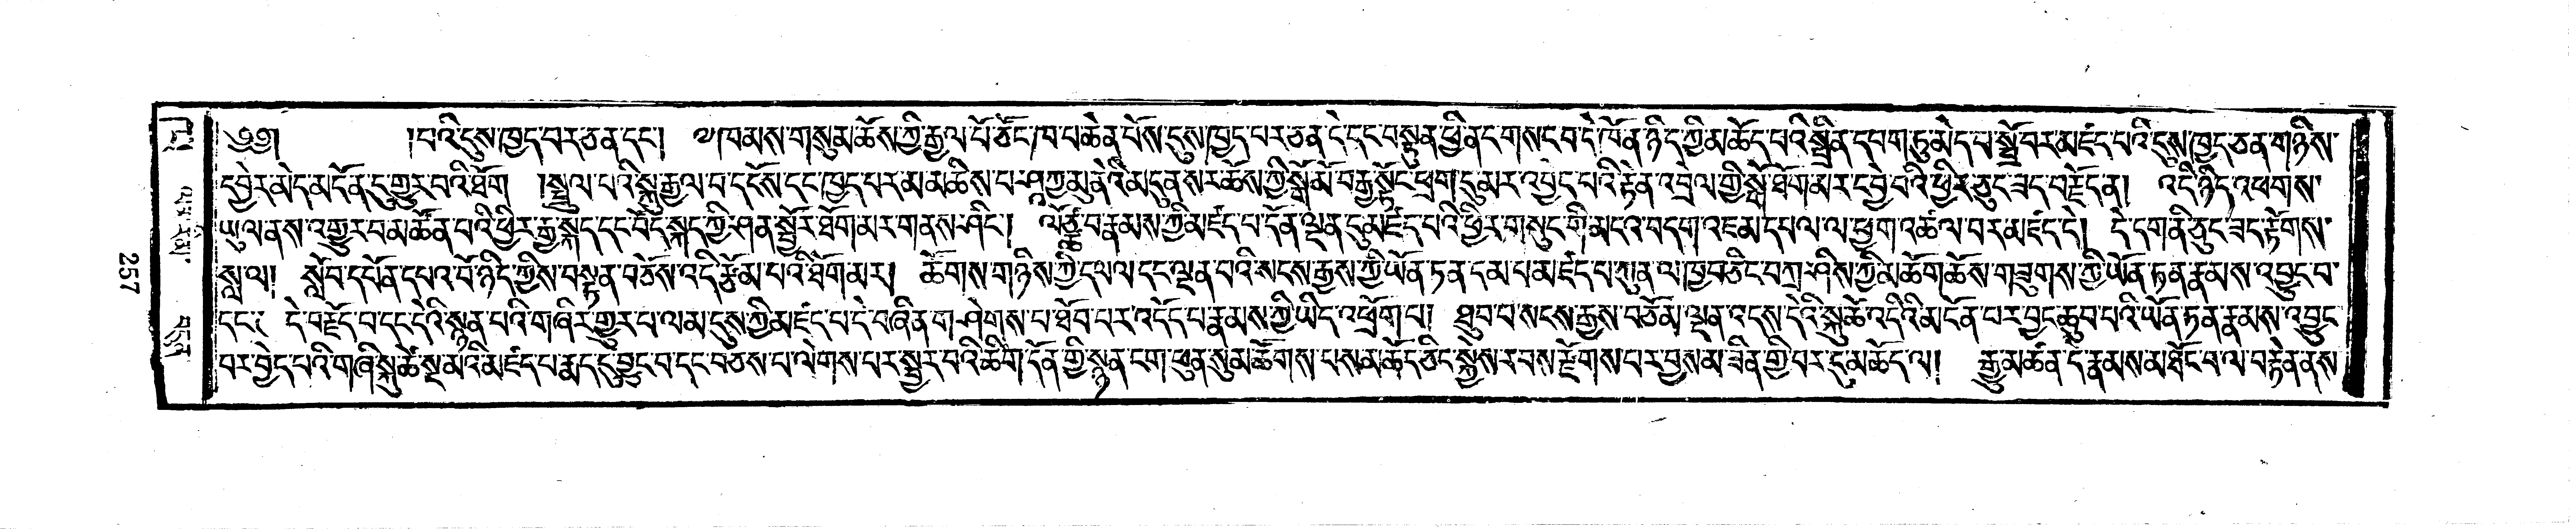༄༅། །པའི་དུས་ཁྱད་པར་ཅན་དང་། ༧་ཁམས་གསུམ་ཆོས་ཀྱི་རྒྱལ་པོ་ཙོང་ཁ་པ་ཆེན་པོས་དུས་ཁྱད་པར་ཅན་དེ་དང་བསྟུན་ཕྱི་ནང་གསང་བ་དེ་ཁོ་ན་ཉིད་ཀྱི་མཆོད་པའི་སྤྲིན་དཔག་ཏུ་མེད་པ་སྤྲོ་བར་མཛད་པའི་དུས་ཁྱད་ཅན་གཉིས་
དབྱེར་མེད་མངོན་དུ་གྱུར་བའི་ཐོག །སྤྲུལ་པའི་སྐུ་རྒྱལ་བ་དངོས་དང་ཁྱད་པར་མ་མཆིས་པ་ཤཱཀྱ་མུ་ནེའི་མདུན་སར་ཆོས་ཀྱི་སྒོ་མོ་བརྒྱ་སྟོང་ཕྲག་དུ་མར་འབྱེད་པའི་རྟེན་འབྲེལ་གྱི་སྒོ་ཐོག་མར་དབྱེ་བའི་ཕྱིར་ཅུང་ཟད་བརྗོད་ན། འདི་ཉིད་འཕགས་
ཡུལ་ནས་འགྱུར་བ་མཚོན་པའི་ཕྱིར་རྒྱ་སྐད་དང་བོད་སྐད་ཀྱི་ཤན་སྦྱོར་ཐོག་མར་གནས་ཤིང་། ལོཙྪ་བ་རྣམས་ཀྱི་མཛད་པ་དོན་ལྡན་དུ་མཛད་པའི་ཕྱིར་གསུང་གི་མངའ་བདག་འཇམ་དཔལ་ལ་ཕྱག་འཚལ་བར་མཛད་དེ། དེ་དག་ནི་ཅུང་ཟད་རྟོགས་
སླ་ལ། སློབ་དཔོན་དཔའ་བོ་ཉིད་ཀྱིས་བསྟན་བཅོས་འདི་རྩོམ་པའི་ཐོག་མར། ཚོགས་གཉིས་ཀྱི་དཔལ་དང་ལྡན་པའི་སངས་རྒྱས་ཀྱི་ཡོན་ཏན་དམ་པ་མཛད་པ་ཀུན་ལ་ཁྱབ་ཅིང་བཀྲ་ཤིས་ཀྱི་མཆོག་ཆོས་གཟུགས་ཀྱི་ཡོན་ཏན་རྣམས་འབྱུང་བ་
དང༑ དེ་བརྗོད་པ་དང་དེའི་སྙན་པའི་གཞིར་གྱུར་པ་ལམ་དུས་ཀྱི་མཛད་པ་དེ་བཞིན་གཤེགས་པ་ཐོབ་པར་འདོད་པ་རྣམས་ཀྱི་ཡིད་འཕྲོག་པ། ཐུབ་པ་སངས་རྒྱས་བཅོམ་ལྡན་འདས་དེའི་སྐུ་ཚེ་འདིའི་མངོན་པར་བྱང་ཆུབ་པའི་ཡོན་ཏན་རྣམས་འབྱུང་
བར་བྱེད་པའི་གཞི་སྐུ་ཚེ་སྔ་མའི་མཛད་པ་རྨད་དུ་བྱུང་བ་དང་བཅས་པ་ལེགས་པར་སྦྱར་བའི་ཚིག་དོན་གྱི་སྙན་ངག་ཕུན་སུམ་ཚོགས་པས་མཆོད་ཅིང་སྐྱེས་རབས་རྫོགས་པར་བྱས་མ་ཟིན་གྱི་བར་དུ་མཆོད་ལ། རྒྱུ་མཚན་དེ་རྣམས་མཐོང་བ་ལ་བརྟེན་ནས་